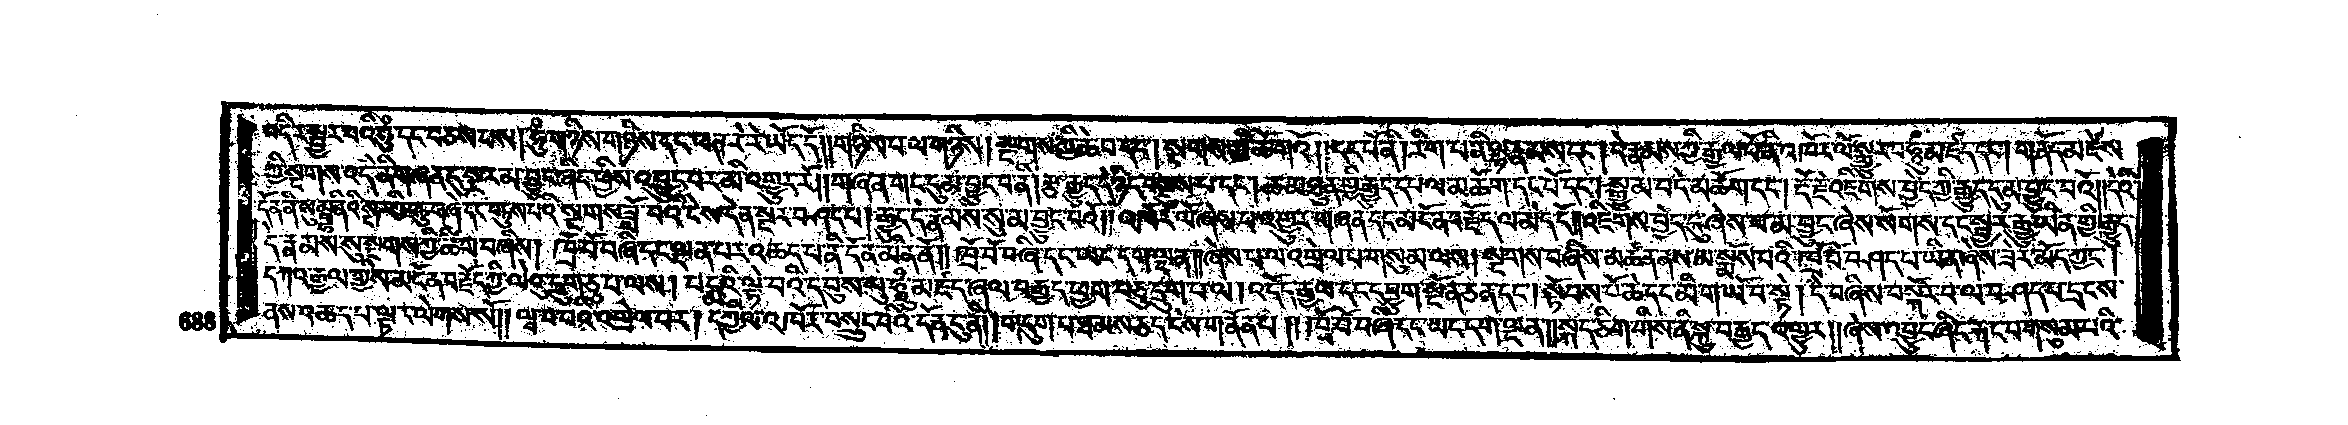འདིར་སྦྱར་བའི་ཧུཾ་དང་བཅས་པས། ཧུཾ་གཉིས་གཉིས་དང་ཕཊ་རེ་རེ་ཡོད་དོ། །གཉིས་པ་ལ་གཉིས། སྔགས་ཀྱི་ཆེ་བ་དང་། སྔགས་ཀྱི་ཆོ་གའོ། །དང་པོ་ནི། རིག་པ་ནི་ལྷ་རྣམས་དང་། དེ་རྣམས་ཀྱི་རྒྱལ་པོ་ནི་འཁོར་ལོ་སྒྱུར་བ་ཧཱུཾ་མཛད་དང་། གནོད་མཛེས་
ཀྱི་སྔགས་འདི་ནི་གཞན་དུ་སྔར་མ་བྱུང་ཞིང་ཕྱིས་འབྱུང་བར་མི་འགྱུར་རོ། །གཞན་གང་དུ་མ་བྱུང་བ་ནི། རྩ་རྒྱུད་དེ་ཉིད་བསྡུས་པ་དང་། ཆ་མཐུན་གྱི་རྒྱུད་དཔལ་མཆོག་དང་པོ་དང་། སྒྱུ་མ་བདེ་མཆོག་དང་། རྡོ་རྗེ་འཇིགས་བྱེད་ཀྱི་རྒྱུད་དུ་མ་བྱུང་བའོ། །དེའི་
དོན་ནི་སུམྦྷ་ནིའི་སྔགས་ཀྱི་བཏུ་གཞི་དང་བཏུས་པའི་སྔགས་ཟློ་བའི་ངེས་དོན་སྔར་བཤད་པ། རྒྱུད་དེ་རྣམས་སུ་མ་བྱུང་བའོ། །འཁོར་ལོ་ཞེས་པ་འགྱུར་གཞན་དང་མངོན་བརྗོད་ལ་མེད་དོ། །འཇིགས་བྱེད་དུ་ཞེས་པ་མ་བྱུང་ཞེས་སོགས་དང་སྦྱར་རྒྱུ་ཡིན་གྱི། རྒྱུད་
དེ་རྣམས་སུ་སྔགས་ཀྱི་ཚིག་བཞིས། ཁྲོ་བོ་བཞི་དང་ལྡན་པར་འཆད་པ་ནི་དོན་མིན་ནོ། །ཁྲོ་བོ་བཞི་དང་ཡང་དག་ལྡན། །ཞེས་པ་ལ་འགྲེལ་པ་གསུམ་ལས། སྔགས་བཞིས་མཚན་ནས་མ་སྨོས་པའི་ཁྲོ་བོ་བཤད་པ་ཡིན་ཞེས་ཟེར་མོད་ཀྱང་།
དཀའ་རྒྱལ་གྱིས་མངོན་བརྗོད་ཀྱི་ལེའུ་དྲུག་ཅུ་པ་ལས། པདམའི་ལྟེ་བའི་དབུས་སུ་ཧཱུཾ་མཛད་ཞལ་བརྒྱད་ཕྱག་བཅུ་དྲུག་པ་ལ། འདོད་རྒྱལ་དང་དབྱུག་སྔོན་ཅན་དང་། སྟོབས་པོ་ཆེ་དང་མི་གཡོ་བ་སྟེ། དེ་བཞིས་བསྐོར་བ་ལ་བཤད་པ་དྲངས་
ནས་འཆད་པ་ལྟར་ལེགས་སོ། །ལྭ་བ་པའི་འགྲེལ་པར། དཀྱིལ་འཁོར་བསྲུང་བའི་དོན་དུ་ནི། །གདུག་པ་ཐམས་ཅད་ངེས་གནོན་པ། ཁྲོ་བོ་བཞི་དང་ཡང་དག་ལྡན། །སྐད་ཅིག་གིས་ནི་སྐུ་བརྒྱད་འགྱུར། །ཞེས་འབྱུང་ཞིང་རྐང་པ་གསུམ་པའི་